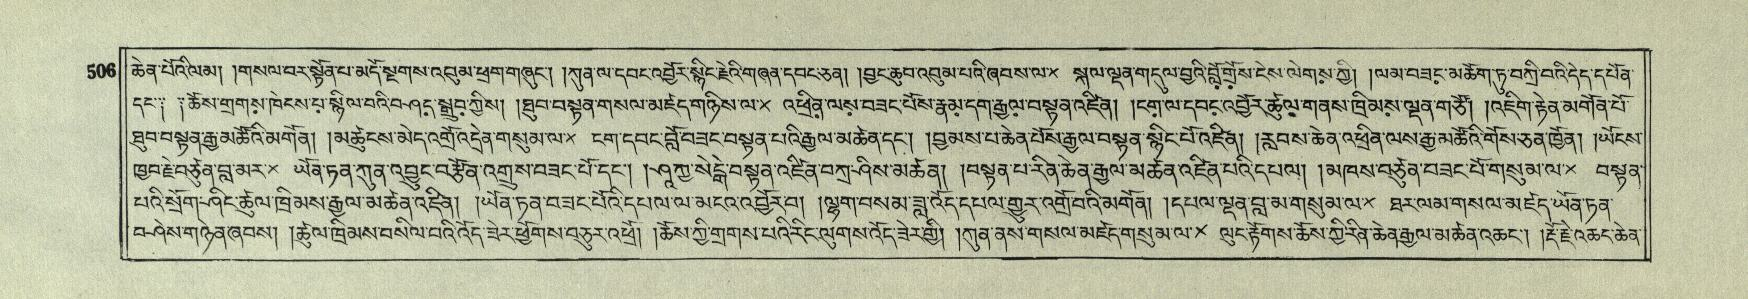ཆེན་པོའི་ལམ། །གསལ་བར་སྟོན་པ་མདོ་སྔགས་འབུམ་ཕྲག་གཞུང་། །ཀུན་ལ་དབང་འབྱོར་སྙིང་རྗེའི་གཞན་དབང་ཅན། །བྱང་ཆུབ་འབུམ་པའི་ཞབས་ལ་྾་སྐལ་ལྡན་གདུལ་བྱའི་བློ྾་གྲོས྾་ངེས་ལེགས་ཀྱི། །ལམ་བཟང྾་མཆོག་ཏུ་བཀྲི་བའི་དེད་དཔོན་
དང༑ ༑ཆོས་གྲགས྾་ཁེངས་པ྾་སྙིལ་བའི་བཤད྾་སྒྲུབ྾་ཀྱིས། །ཐུབ་བསྟན་གསལ་མཛད་གཉིས་ལ་྾་འཕྲིན྾་ལས྾་བཟང་པོས་རྣམ྾་དག་རྒྱལ྾་བསྟན་འཛིན། །ངག྾་ལ་དབང་འབྱོར་ཚུལ྾་གནས་ཁྲིམས྾་ལྡན་གཙོ། །འཇིག་རྟེན་མགོན་པོ་
ཐུབ་བསྟན་རྒྱ་མཚོའི་མགོན། །མཚུངས་མེད་འགྲོ་འདྲེན་གསུམ་ལ་྾་ངག་དབང་བློ་བཟང་བསྟན་པའི་རྒྱལ་མཚན་དང་། །བྱམས་པ་ཆེན་པོས་རྒྱལ་བསྟན་སྙིང་པོ་འཛིན། །རླབས་ཆེན་འཕྲིན་ལས་རྒྱ་མཚོའི་གོས་ཅན་ཁྱོན། །ཡོངས་
ཁྱབ་རྗེ་བཙུན་བླ་མར་྾་ཡོན་ཏན་ཀུན་འབྱུང་བརྩོན་འགྲུས་བཟང་པོ་དང་། །ཤཱཀྱ་སེངྒེ་བསྟན་འཛིན་བཀྲ་ཤིས་མཚན། །བསྟན་པ་རིན་ཆེན་རྒྱལ་མཚན་འཛིན་པའི་དཔལ། །མཁས་བཙུན་བཟང་པོ་གསུམ་ལ་྾་བསྟན་
པའི་སྲོག་ཤིང་ཚུལ་ཁྲིམས་རྒྱལ་མཚན་འཛིན། །ཡོན་ཏན་བཟང་པོའི་དཔལ་ལ་མངའ་འབྱོར་བ། །ལྷག་བསམ་ཟླ་འོད་དཔལ་གྱུར་འགྲོ་ཅྦའི་མགོན། །དཔལ་ལྡན་བླ་མ་གསུམ་ལ་྾་ཐར་ལམ་གསལ་མཛད་ཡོན་ཏན་
བཤེས་གཉེན་ཞབས། །ཚུལ་ཁྲིམས་བསིལ་བའི་འོད་ཟེར་ཕྱོགས་བཅུར་འཕྲོ། །ཆོས་ཀྱི་གྲགས་པའི་རིང་ལུགས་འོད་ཟེར་གྱི། །ཀུན་ནས་གསལ་མཛད་གསུམ་ལ་྾་ལུང་རྟོགས་ཆོས་ཀྱི་རིན་ཆེན་རྒལ་མཚན་འཆང་། །རྡོ་རྗེ་འཆང་ཆེན་